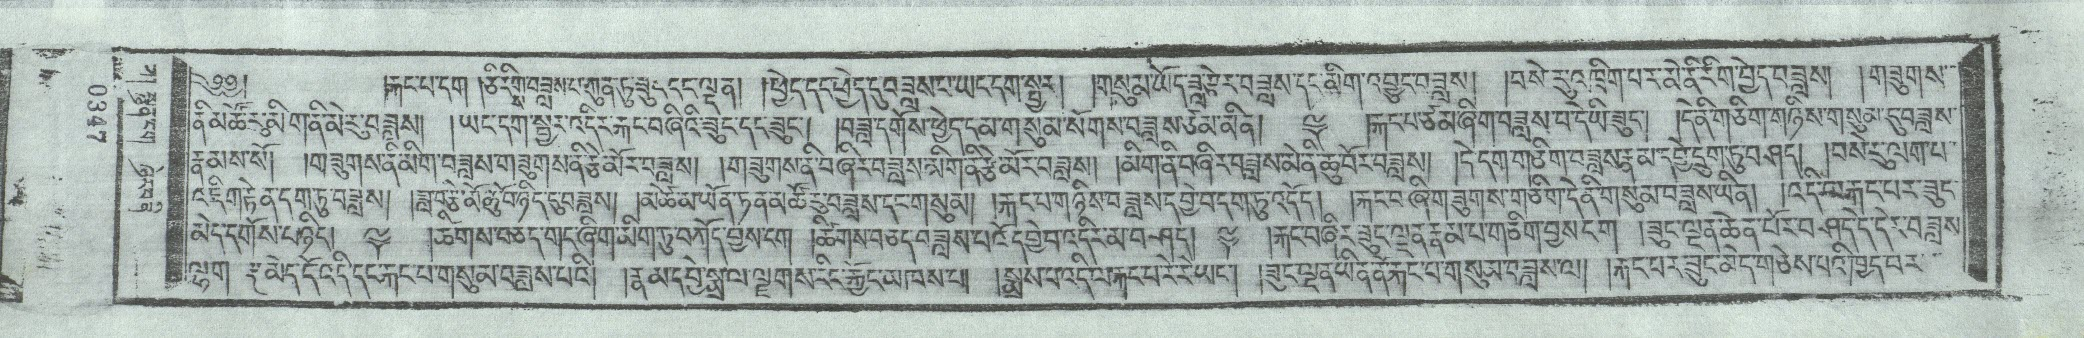༄༅། །རྐང་པ་དག །ཅི་རིགས་བཟླས་པ་ཀུན་ཏུ་ཟུང་དང་ལྡན། །པྱེད་དང་པྱེད་དུ་བཟླས་པ་ཡང་དག་སྦྱར། །གསུམ་ཡོད་ཟླ་རྩེར་བཟླས་དང་མིག་འབྱུང་བཟླས། །བསེ་རུ་འཁྲིག་པར་མེ་ནི་རིག་བྱེད་བཟླས། །གཟགས་
ནི་མཚོར་མིག་ནི་མེ་རུ་བཟླས། །ཡང་དག་སྦྱར་འདིར་རྐང་བཞིའི་ཟུང་དང་ཟུང་། །བཟླ་དགོས་ཕྱེད་དམ་གསུམ་སོགས་བཟླས་ཙམ་མིན། ༈ །རྐང་པ་ཙམ་ཞིག་བཟླས་པ་དེ་ཡི་ཟུང་། །དེ་ནི་གཅིག་གཉིས་གསུམ་དུ་བཟླས་
རྣམས་སོ། །གཟུགས་ནི་མིག་བཟླས་གཟུགས་ནི་རྩེ་མོར་བཟླས། །གཟུགས་ནི་བཞིར་བཟླས་མིག་ནི་རྩེ་མོར་བཟླས། །མིག་ནི་བཞིར་བཟླས་མེ་ནི་ཆུ་བོར་བཟླས། །དེ་དག་བ་ཅིག་བཟླས་རྣམ་དབྱེ་དྲུག་ཏུ་བཤད། །བསེ་རུ་ལག་པ་
འཇིག་རྟེན་དག་ཏུ་བཟླས། །ཟླ་བརྩེ་མོ་ཆུ་བོ་ཉིད་དུ་བཟླས། །མཚེ་མ་ཡོན་ཏན་མཚོ་རུ་བཟླས་དང་གསུམ། །རྐང་པ་གཉིས་བཟླས་དབྱེ་བ་དག་ཏུ་འདོད། །རྐང་བཞིག་ཟུགས་གཅིག་དེ་ནི་གསུམ་བཟླས་ཡིན། །འདི་ལ་རྐང་པར་ཟུང་
མེད་དགོས་པ་ཉིད། ༈ །ཚིགས་བཅད་གང་ཞིག་མིག་ཏུ་བཀོད་བྱས་ངག །ཚིགས་བཅད་བཟླས་པའོ་དབྱེ་བ་འདིར་མ་བཤད། ༈ །རྐང་བཞིར་ཟུང་ལྡན་རྣམ་པ་གཅིག་བྱས་ངག །ཟུང་ལྡན་ཆེན་པོར་བཤད་དེ་ངེར་བཟླས་
ལྷག །མེད་དོ་འདི་དང་རྐང་པ་གསུམ་བཟླས་པའི། རྣམ་དབྱེ་སྨྲ་ལ་ལྗགས་རིང་རྐྱོང་མཁས་པ། །སྨྲས་པ་འདི་ལ་རྐང་པ་རེ་རེ་ཡང་། །ཟུང་ལྡན་ཡིན་ནོ་རྐང་པ་གསུམ་བཟླས་ལ། །རྐང་པར་ཟུང་མེད་གཅེས་པའི་ཁྱད་པར་